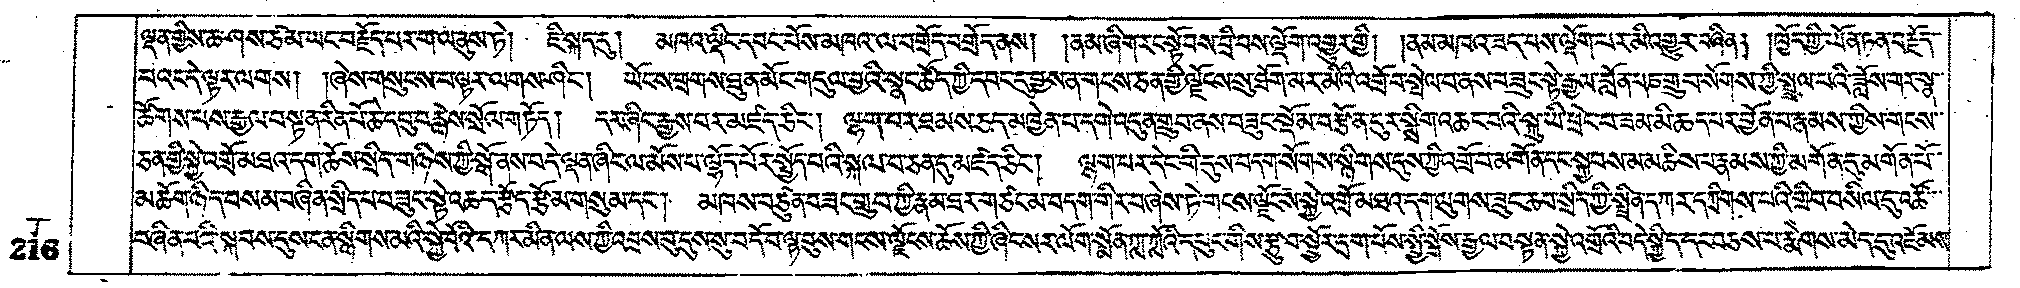ལྡན་གྱིས་ཆ་ཤས་ཙམ་ཡང་བརྗོད་པར་ག་ལ་ནུས་ཏེ། ཇི་སྐད་དུ། མཁའ་ལྡིང་དབང་པོས་མཁའ་ལ་བགྲོད་བགྲོད་ནས། །ནམ་ཞིག་རང་སྟོབས་བྲི་བས་ལྡོག་འགྱུར་གྱི། །ནམ་མཁའ་ཟད་པས་ལྡོག་པར་མི་འགྱུར་བཞིན། །ཁྱོད་ཀྱི་ཡོན་ཏན་བརྗོད་་་
པའང་དེ་ལྟར་ལགས། །ཞེས་གསུངས་པ་ལྟར་ལགས་ཤིང་། ཡོངས་གྲགས་ཐུན་མོང་གདུལ་བྱའི་སྣང་ཚོད་ཀྱི་དབང་དུ་བྱས་ན་གངས་ཅན་གྱི་ལྗོངས་སུ་ཐོག་མར་མིའི་འགྲོ་བ་སྤེལ་བ་ནས་བཟུང་སྟེ་རྒྱལ་བློན་པཎ་གྲུབ་སོགས་ཀྱི་སྤྲུལ་པའི་ཟློས་གར་སྣ་་་
ཚོགས་པས་རྒྱལ་བསྟན་རིན་པོ་ཆེ་དབུ་བརྙེས་སྲོལ་གཏོད། དར་ཞིང་རྒྱས་པར་མཛད་ཅིང་། ལྷག་པར་ཐམས་ཅད་མཁྱེན་པ་དགེ་འདུན་གྲུབ་ནས་བཟུང་སྡོམ་བརྩོན་དུར་སྨྲིག་འཆང་བའི་སྐུ་ཡི་ཕྲེང་བ་ཟམ་མི་ཆད་པར་བྱོན་པ་རྣམས་ཀྱིས་གངྶ་་་
ཅན་གྱི་སྐྱེ་འགྲོ་མཐའ་དག་ཆོས་སྲིད་གཉིས་ཀྱི་སྒོ་ནས་བདེ་ལྡན་ཞིང་ལ་མོས་པ་ལྷོད་པོར་སྤྱོད་པའི་སྐལ་བ་ཅན་དུ་མཛད་ཅིང་། ལྷག་པར་དེང་གི་དུས་བདག་སོགས་སྙིགས་དུས་ཀྱི་འགྲོ་བ་མགོན་དང་སྐྱབས་མ་མཆིས་པ་རྣམས་ཀྱི་མགོན་དུ་མགོན་པོ་
མཆོག་ཉིད་བསམ་བཞིན་སྲིད་པ་བཟུང་སྟེ་འཆད་རྩོད་རྩོམ་གསུམ་དང་། མཁས་བཙུན་བཟང་གྲུབ་ཀྱི་རྣམ་ཐར་གཙང་མ་བདག་གིར་བཞེས་ཏེ་གངས་ལྗོངས་སྐྱེ་འགྲོ་མཐའ་དག་ལུགས་ཟུང་ཆབ་སྲིད་ཀྱི་སྤྲིན་དཀར་དཀྲིགས་པའི་གྲིབ་བསིལ་དུ་འཚོ་་་
བཞིན་པའི་སྐབས་དུས་ངན་སྙིགས་མའི་སྐྱེ་བོའི་དཀར་མིན་ལས་ཀྱི་འབྲས་བུ་དུས་སུ་བདོ་བ་ལྟ་བུས་གངས་ལྗོངས་ཆོས་ཀྱི་ཞིང་སར་ལོག་སྨོན་ཀླ་ཀློའི་དཔུང་གིས་རྩུབ་སྦྱོར་དྲག་པོས་སྤྱི་སྒོས་རྒྱལ་བསྟན་སྐྱེ་འགྲོའི་བདེ་སྐྱིད་དང་བཅས་པ་རྨེགས་མེད་དུ་འཇོམས་